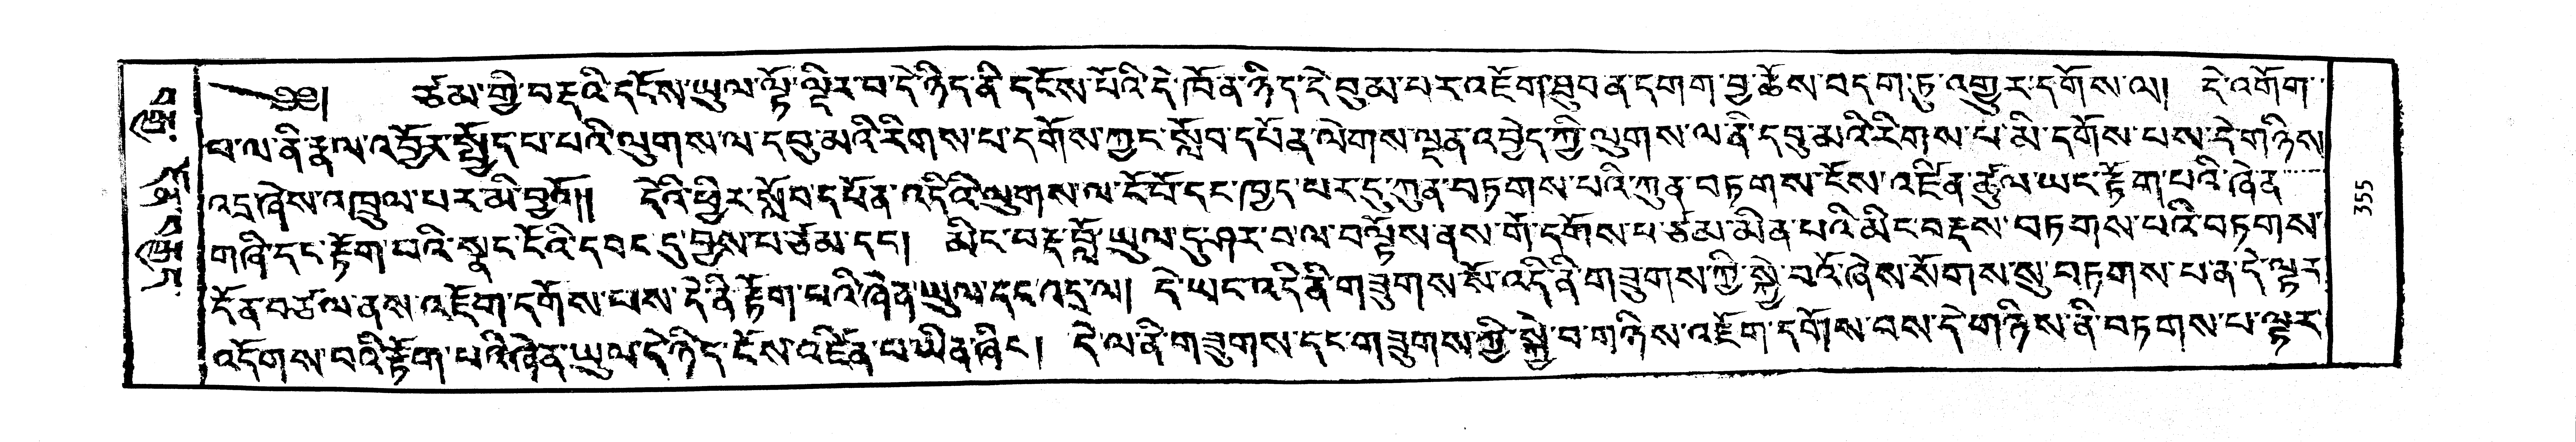༄༅། །ཙམ་གྱི་བརྡའི་དངོས་ཡུལ་ལྟོ་ལྡིར་བ་དེ་ཉིད་ནི་དངོས་པོའི་དེ་ཁོ་ན་ཉིད་དེ་བུམ་པར་འཇོག་ཐུབ་ན་དགག་བྱ་ཆོས་བདག་ཏུ་འགྱུར་དགོས་ལ། དེ་འགོག་
པ་ལ་ནི་རྣལ་འབྱོར་སྤྱོད་པ་པའི་ལུགས་ལ་དབུ་མའི་རིགས་པ་དགོས་ཀྱང་སློབ་དཔོན་ལེགས་ལྡན་འབྱེད་ཀྱི་ལུགས་ལ་ནི་དབུ་མའི་རིགས་པ་མི་དགོས་པས་དེ་གཉིས་
འདྲ་ཞེས་འཁྲུལ་པར་མི་བྱའོ།། དེའི་ཕྱིར་སློབ་དཔོན་འདིའི་ལུགས་ལ་ངོ་བོ་དང་ཁྱད་པར་དུ་ཀུན་བཏགས་པའི་ཀུན་བཏགས་ངོས་འཛིན་ཚུལ་ཡང་རྟོག་པའི་ཞེན་
གཞི་དང་རྟོག་པའི་སྣང་ངོའི་དབང་དུ་བྱས་པ་ཙམ་དང་། མིང་བརྡ་བློ་ཡུལ་དུ་ཤར་བ་ལ་བལྟོས་ནས་གོ་དགོས་པ་ཙམ་མིན་པའི་མིང་བརྡས་བཏགས་པའི་བཏགས་
དོན་བཙལ་ནས་འཇོག་དགོས་པས་དེ་ནི་རྟོག་པའི་ཞེན་ཡུལ་དང་འདྲ་ལ། དེ་ཡང་འདི་ནི་གཟུགས་སོ་འདི་ནི་གཟུགས་ཀྱི་སྐྱེ་བའོ་ཞེས་སོགས་སུ་བཏགས་པ་ན་དེ་ལྟར་
འདོགས་པའི་རྟོག་པའི་ཞེན་ཡུལ་དེ་ཉིད་ངོས་འཛིན་པ་ཡིན་ཞིང་། དེ་ལ་ནི་གཟུགས་དང་གཟུགས་ཀྱི་སྐྱེ་བ་གཉིས་འཇོག་དགོས་པས་དེ་གཉིས་ནི་བཏགས་པ་ལྟར་